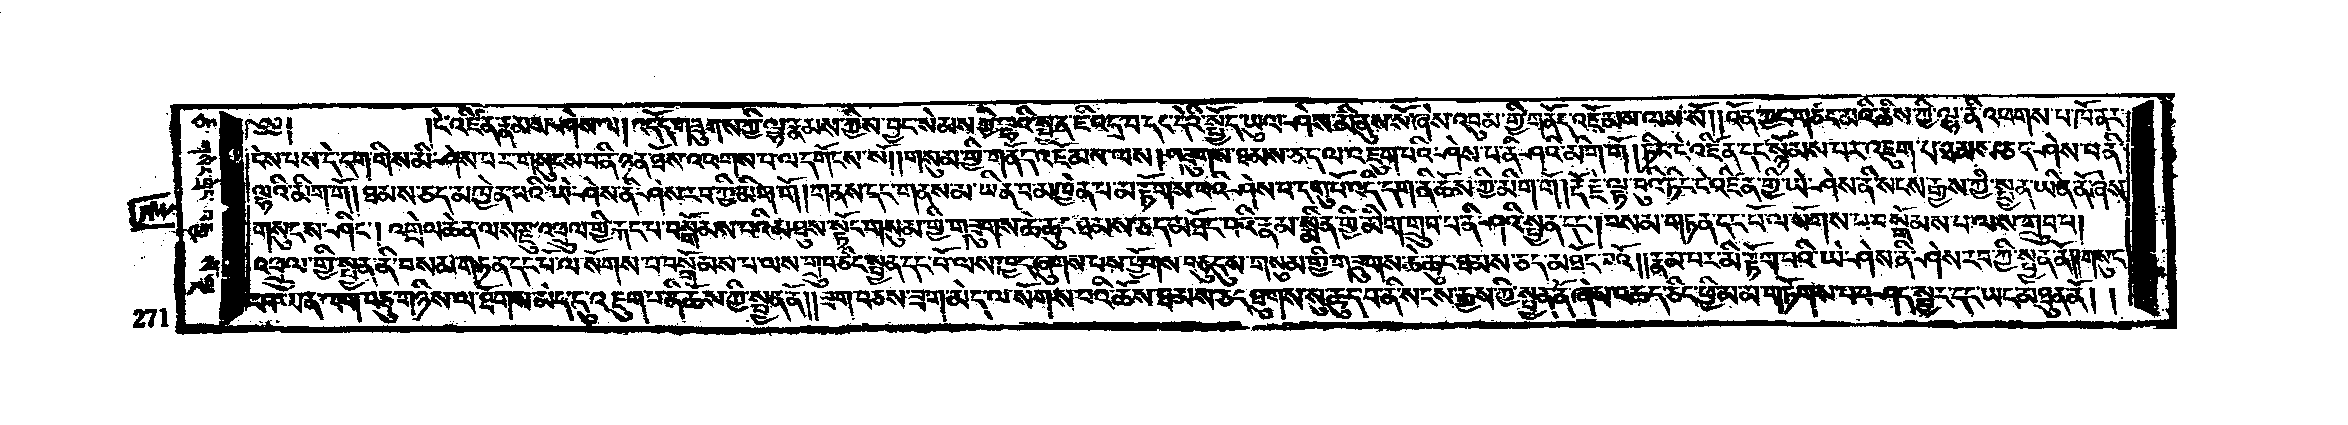༄༅། །ངེ་འཛིན་རྣམས་ཤེས་ལ། འདོད་གཟུགས་ཀྱི་ལྷ་རྣམས་ཀྱིས་བྱང་སེམས་ཀྱི་ལྷའི་སྤྱན་ཇི་འདྲ་བ་དང་དེའི་སྤྱོད་ཡུལ་ཤེས་མི་ནུས་སོ་ཞེས་འབུམ་གྱི་གནོད་འཇོམས་ལས་སོ། །འོན་ཀྱང་གཙང་མའི་རིས་ཀྱི་ལྷ་ནི་འཕགས་པ་ཁོ་ནར་
ངེས་པས་དེ་དག་གིས་མི་ཤེས་པར་གསུངས་པ་ནི་ཉན་ཐོས་འཕགས་པ་ལ་དགོངས་སོ། །གསུམ་གྱི་གནོད་འཇོམས་ལས། གཟུགས་ཐམས་ཅད་ལ་འཇུག་པའི་ཤེས་པ་ནི་ཤའི་མིག་གོ །ཏིང་ངེ་འཛིན་དང་སྙོམས་པར་འཇུག་པ་ཐམས་ཅད་ཤེས་པ་ནི་
ལྷའི་མིག་གོ །ཐམས་ཅད་མཁྱེན་པའི་ཡེ་ཤེས་ནི་ཤེས་རབ་ཀྱི་མིག་གོ །གནས་དང་གནས་མ་ཡིན་པ་མཁྱེན་པ་མ་རྟོགས་པའི་ཤེས་པ་དགུ་པོ་འདི་དག་ནི་ཆོས་ཀྱི་མིག་གོ །རྡོ་རྗེ་ལྟ་བུའི་ཏིང་ངེ་འཛིན་གྱི་ཡེ་ཤེས་ནི་སངས་རྒྱས་ཀྱི་སྤྱན་ཡིན་ནོ་ཞེས་
གསུངས་ཤིང་། འགྲེལ་ཆེན་ལས་རྫུ་འཕྲུལ་གྱི་རྐང་པ་བསྒོམས་པའི་མཐུས་སྟོང་གསུམ་གྱི་གཟུགས་ཆེ་ཆུང་ཐམས་ཅད་མཐོང་བའི་རྣམ་སྨིན་གྱི་མིག་གྲུབ་པ་ནི་ཤའི་སྤྱན་དང་། བསམ་གཏན་དང་པོ་ལ་སོགས་པ་བསྒོམས་པ་ལས་གྲུབ་པ།
འཕྲུལ་གྱི་སྤྱན་ནི་བསམ་གཏན་དང་པོ་ལ་སོགས་པ་བསྒོམས་པ་ལས་གྲུབ་ཅིང་སྤྱན་དང་པོ་ལས་ཁྱད་ཞུགས་པས་ཕྱོགས་བཅུ་དུས་གསུམ་གྱི་གཟུགས་ཆེ་ཆུང་ཐམས་ཅད་མཐོང་བའོ། །རྣམ་པར་མི་རྟོག་པའི་ཡེ་ཤེས་ནི་ཤེས་རབ་ཀྱི་སྤྱན་ནོ། །གསུང་
རབ་ཡན་ལག་བཅུ་གཉིས་ལ་ཐོགས་མེད་དུ་འཇུག་པ་ནི་ཆོས་ཀྱི་སྤྱན་ནོ། །ཟག་བཅས་ཟག་མེད་ལ་སོགས་པའི་ཆོས་ཐམས་ཅད་ཐུགས་སུ་ཆུད་པ་ནི་སངས་རྒྱས་ཀྱི་སྤྱན་ནོ་ཞེས་འཆད་ཅིང་ཕྱི་མ་མ་གཏོགས་པ་བཤད་སྦྱར་དང་ཡང་མཐུན་ནོ། །